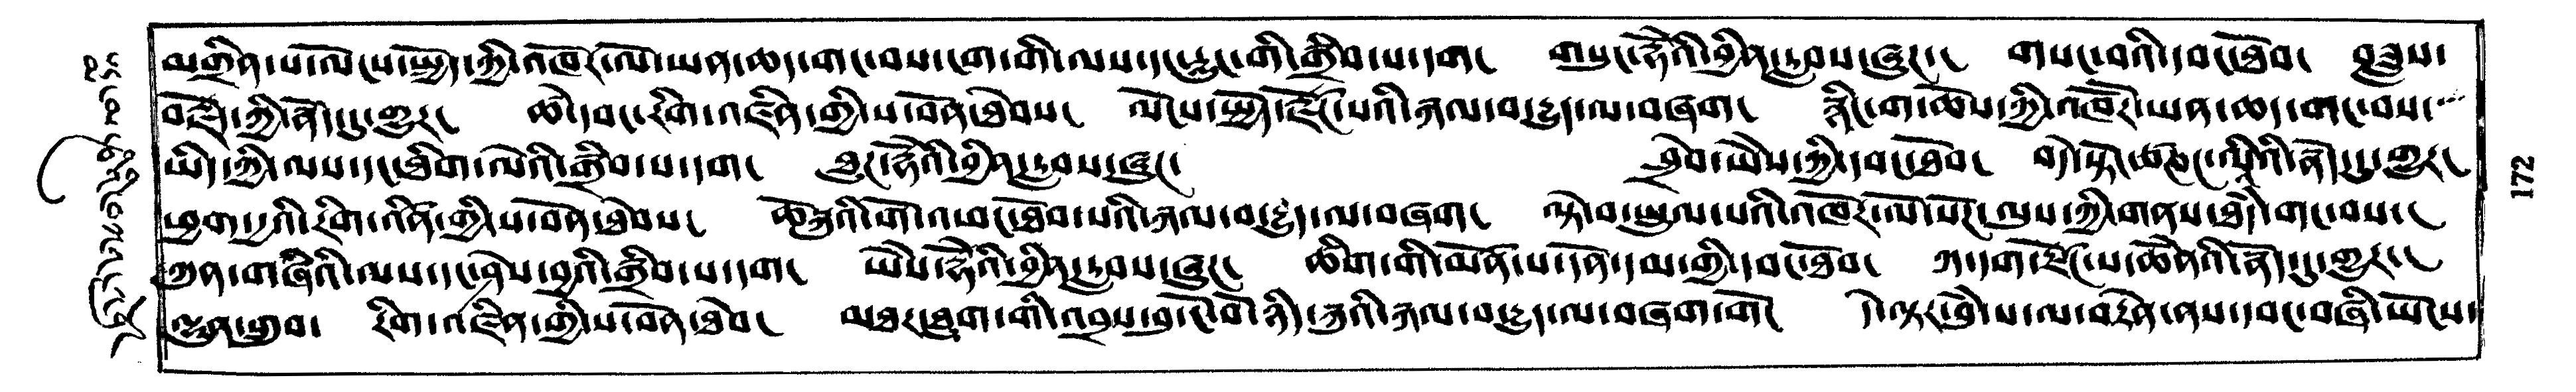མགྲིན་པ་ལོངས་སྤྱོད་ཀྱི་འཁོར་ལོ་ཡན་ཆད་གང་བས་ངག་གི་ལས་དང་རླུང་གི་སྒྲིབ་པ་དག གསུང་རྡོ་རྗེའི་བྱིན་བརླབས་ཞུགས། གསང་བའི་དབང་ཐོབ། བཟླས་
བརྗོད་ཀྱི་སྣོད་དུ་གྱུར།ཚེ་དབང་རིག་འཛིན་གྱི་ས་བོན་ཐེབས། ལོངས་སྤྱོད་རྫོགས་པའི་སྐལ་བ་རྒྱུད་ལ་བཞག སྙིང་ག་ཆོས་ཀྱི་འཁོར་ལོ་ཡན་ཆད་གང་བས་
ཡིད་ཀྱི་ལས་དང་ཐིག་ལེའི་སྒྲིབ་པ་དག ཐུགས་རྡོ་རྗེའི་བྱིན་རླབས་ཞུགས། ཤེས་རབ་ཡེ་ཤེས་ཀྱི་དབང་ཐོབ། བདེ་སྟོང་ཙཎྜ་ལཱིའི་སྣོད་དུ་གྱུར། 
ཕྱག་རྒྱའི་རིག་འཛིན་གྱི་ས་བོན་ཐེབས། ཆོས་སྐུའི་གོ་འཕང་ཐོབ་པའི་སྐལ་བ་རྒྱུད་ལ་བཞག ལྟེ་བ་སྤྲུལ་པའི་འཁོར་ལོ་སོགས་ལུས་ཀྱི་གནས་ཐམས་ཅད་གང་བས། 
ཀུན་གཞིའི་ལས་དང་ཤེས་བྱའི་སྒྲིབ་པ་དག། ཡེ་ཤེས་རྡོ་རྗེའི་བྱིན་རླབས་ཞུགས། ཚིག་གི་ས་མཚོན་པ་དོན་དམ་གྱི་དབང་ཐོབ། ཀ་དག་རྫོགས་པ་ཆེན་པོའི་སྣོད་དུ་གྱུར། 
ལྷུན་གྲུབ་ རིག་འཛིན་གྱི་ས་བོན་ཐེབ། མཐར་ཐུག་གི་འབྲས་བུ་ངོ་བོ་ཉིད་སྐུའི་སྐལ་བ་རྒྱུད་ལ་བཞག་གོ།། དེ་ལྟར་བུམ་པ་ལ་བརྟེན་ནས་དབང་བཞི་ཡོངས་